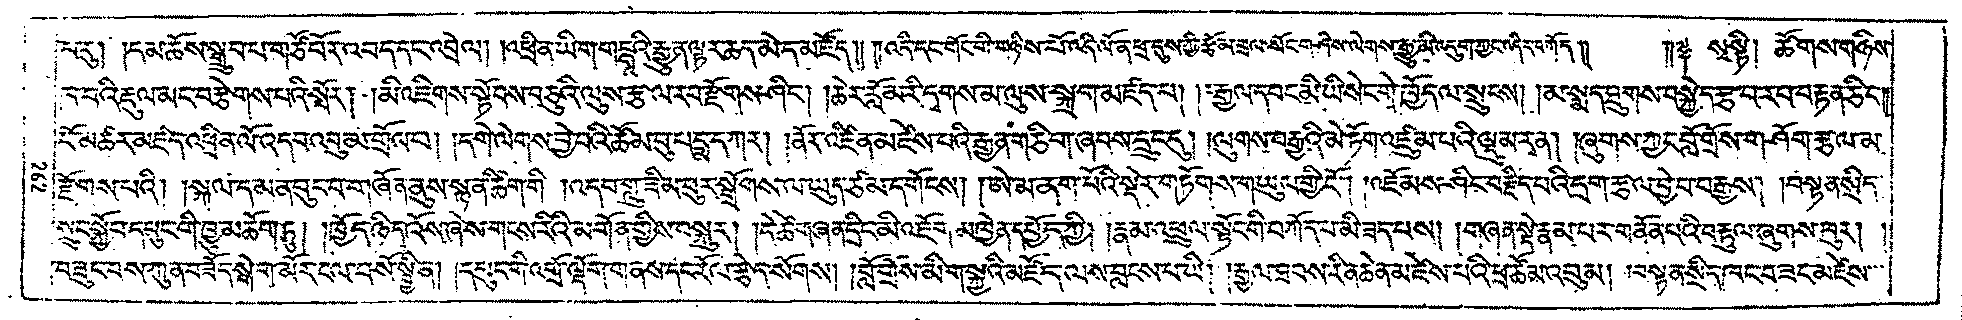པ་རུ། །དམ་ཆོས་སྒྲུབ་པ་གཙོ་བོར་འབད་དང་འབྲེལ། །འཕྲིན་ཡིག་གངྒཱའི་རྒྱུན་ལྟར་ཆད་མེད་མཛོད།། །།འདི་དང་གོང་གི་གཉིས་པོ་འདི་ལོ་ན་ཕྲ་དུས་ཀྱི་རྩོམ་གྲལ་སོང་གཤིས་ལེགས་རྒྱུ་མི་འདུག་ཀྱང་འདིར་བཀོད།།  །། ༈ སྭ་སྟི། ཚོགས་གཉིས་
ཁ་བའི་རྡུལ་མང་བརྩེགས་པའི་སྤོར། །མི་འཇིགས་སྟོབས་བཅུའི་ལུས་རྩ་ལ་རབ་རྫོགས་ཤིང་། །ཆེར་རློམ་རི་དྭགས་མ་ལུས་སྐྲག་མཛད་པ། །༧་རྒྱལ་དབང་མི་ཡི་སེང་གེ་ཁྱོད་ལ་སྲུངས། །མ་སྨད་ཐུགས་བསྐྱེད་རྩ་བ་རབ་བརྟན་ཅིང།།
ངོ་མཚར་མཛད་འཕྲིན་ལོ་འདབ་འབུམ་གྲོལ་བ། །དགེ་ལེགས་བྱེ་བའི་ཚོམ་བུ་པདམ་དཀར། །ནོར་འཛིན་མཛེས་པའི་རྒྱན་གཅིག་ཞབས་དྲུང་དུ། །ལུགས་བརྒྱའི་མེ་ཏོག་འཛུམ་པའི་ལྡུམ་རྭ་ན། །ཞུགས་ཀྱང་བློ་གྲོས་གཤོག་རྩལ་མ་
རྫོགས་པའི། །སྐལ་དམན་བུང་བ་གཞོན་ནུས་སྙན་ཚིག་གི །འདབ་གླུ་ཟིམ་བུར་སྒྲོགས་ལ་ཡུད་ཙམ་དགོངས། །ཨེ་མ་ནག་པོའི་སྡེར་གཏོགས་གཡུལ་གྱི་ངོ། །འཇོམས་ཤིང་བརྗིད་པའི་དྲག་རྩལ་བྱེ་བ་བརྒྱས། །བསྟན་སྲིད་
སྲུང་སྐྱོབ་དཔུང་གི་ཁྱུ་མཆོག་ཏུ། །ཁྱོད་ཉིད་འོས་ཞེས་གངས་རིའི་མགོན་གྱིས་བསྐུར། །དེ་ཚེ་གཞན་དྲིང་མི་འཇོག་མཁྱེན་དཔྱོད་ཀྱི། །རྣམ་འཕྲུལ་སྟོང་གི་བཀོད་པ་མི་ཟད་པས། །གཞན་སྡེ་རྣམ་པར་གནོན་པའི་བརྟུལ་ཞུགས་ཁུར། །
བཟུང་བས་ཀུན་བཟོད་སྒེག་མོར་ངལ་བསོ་སྦྱིན། །དཔུང་གི་འགྲོ་ལྡོག་གནས་དང་རོལ་རྩེད་སོགས། །བློ་གྲོས་མིག་སྐྱའི་མཛོད་ལས་བླངས་པ་ཡི། །རྒྱལ་ཐབས་རིན་ཆེན་མཛེས་པའི་ཕྲ་ཚོམ་འབུམ། །བསྟན་སྲིད་ཁང་བཟང་མཛེ་